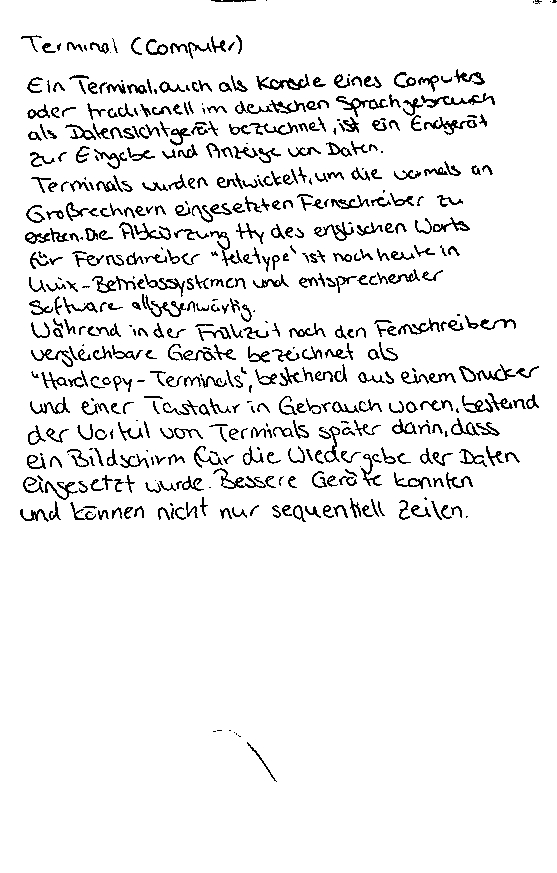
Terminal (Computer)
in Terminal, auch als Konsole eines Computers
traditionell im deutschen Sprachgebrauch
als Datensichtgerät bezeichnet, ist ein Endgerät
zur Eingabe und Anzeige von Daten.
Terminals wurden entwickelt, um die vormals an
Großrechnern eingesetzten Fernschreiber zu
ersetzen. Die Abkürzung tty des englischen Worts
für Fernschreiber "teletype" ist noch heute in
Unix-Betriebssystemen und entsprechende
Software allgegenwärtig.
Während in der Frühzeit noch den Fernschreibern
vergleichbare Geräte bezeichnet als
"Hardcopy-Terminals", bestehend aus einem Drucker
und einer Tastatur in Gebrauch waren, bestand
der Vorteil von Terminals später darin, dass
ein Bildschirm für die Wiedergabe der Daten
eingesetzt wurde. Bessere Geräte konnten
und können nicht nur sequentiell Zeilen
